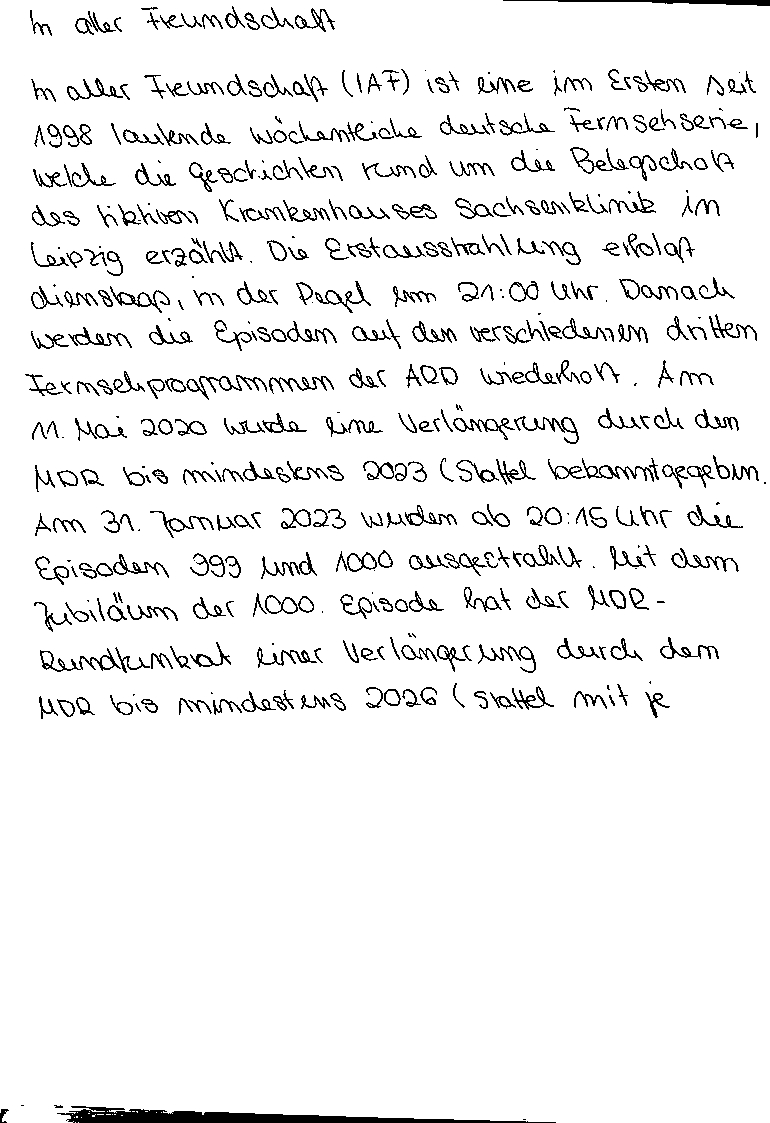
In aller Freundschaft
In aller Freundschaft (IAF) ist eine im Ersten seit
1998 laufende wöchentliche deutsche Fernsehserie,
welche die Geschichten rund um die Belegschaft
des fiktiven Krankenhauses Sachsenklinik in
Leipzig erzählt. Die Erstausstrahlung erfolgt
dienstags, in der Regel um 21:00 Uhr. Danach
werden die Episoden auf den verschiedenen dritten
Fernsehprogrammen der ARD wiederholt. Am
11 Mai 2020 wurde eine Verlängerung durch den
MDR bis mindestens 2023 (Staffel bekanntgegeben.
Am 31. Januar 2023 wurden ab 20:15 Uhr die
Episoden 999 und 1000 ausgestrahlt. Mit dem
Jubiläum der 1000 Episode hat der MDR-
Rundfunkrat einer Verlängerung durch den
MDR bis mindestens 2026 (Staffel mit je
